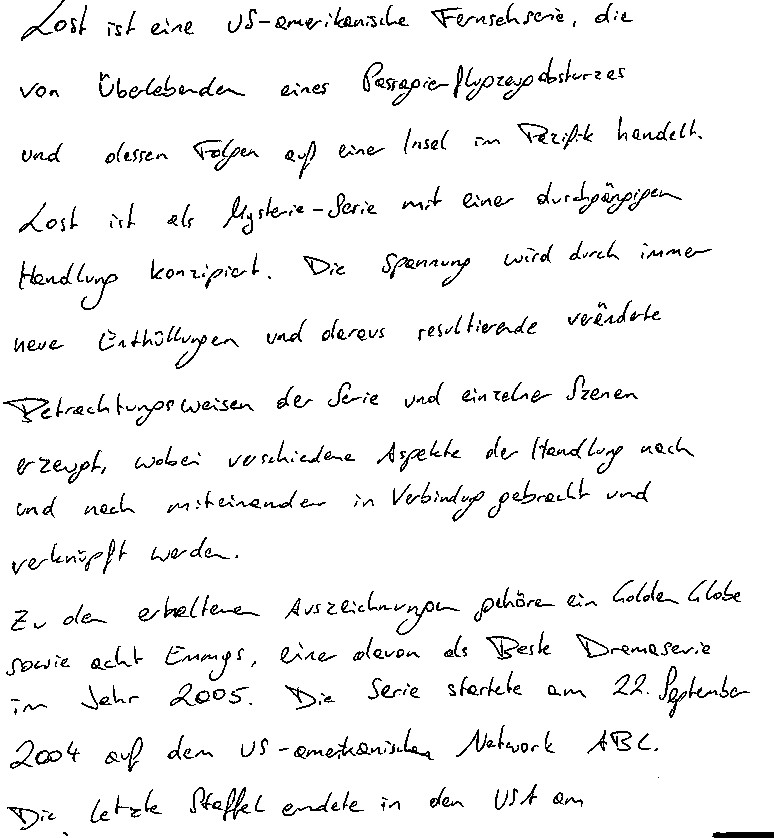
Lost ist eine US-amerikanische Fernsehserie, die
von Überlebenden eines Passagierflugzeugabsturzes
und dessen Folgen auf einer Insel im Pazifik handelt.
Lost ist als Mystery-Serie mit einer durchgängigen
Handlung konzipiert. Die Spannung wird durch immer
neue Enthüllungen und daraus resultierende veränderte
Betrachtungsweisen der Serie und einzelner Szenen
erzeugt, wobei verschiedene Aspekte der Handlung nach
und nach miteinander in Verbindung gebracht und
verknüpft werden.
Zu den erhaltenen Auszeichnungen gehören ein Golden Globe
sowie acht Emmys, einer davon als Beste Dramaserie
im Jahr 2005. Die Serie startete am 22. September
2004 auf dem US-amerikanischen Network ABC.
Die letzte Staffel endete in den USA am
